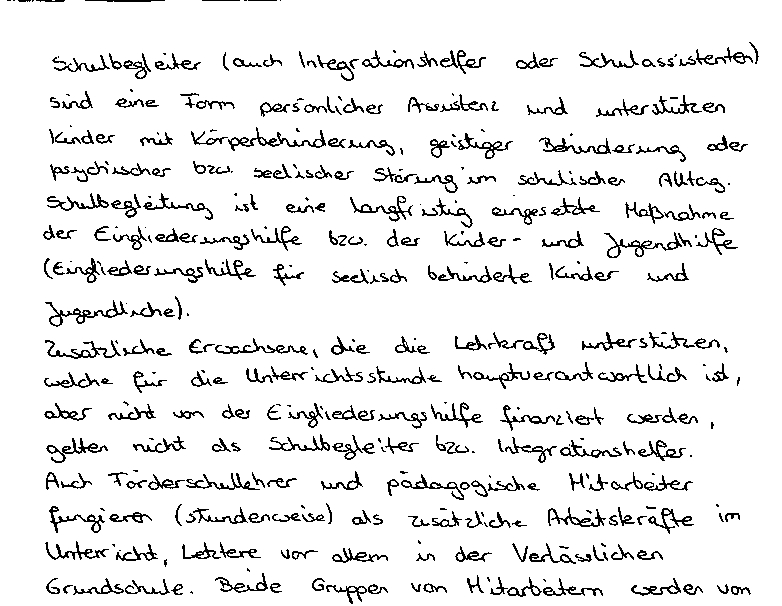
Schulbegleiter (auch Integrationshelfer oder Schulassistenten)
sind eine Form persönlicher Assistenz und unterstützen
Kinder mit Körperbehinderung, geistiger Behinderung oder
psychischer bzw. seelischer Störung im schulischen Alltag.
Schulbegleitung ist eine langfristig eingesetzte Maßnahme
der Eingliederungshilfe bzw. der Kinder- und Jugendhilfe
(Eingliederungshilfe für seelisch behinderte Kinder und
Jugendliche).
Zusätzliche Erwachsene, die die Lehrkraft unterstützen,
welche für die Unterrichtsstunde hauptverantwortlich ist,
aber nicht von der Eingliederungshilfe finanziert werden,
gelten nicht als Schulbegleiter bzw. Integrationshelfer.
Auch Förderschullehrer und pädagogische Mitarbeiter
fungieren (stundenweise) als zusätzliche Arbeitskräfte im
Unterricht, Letztere vor allem in der Verlässlichen
Grundschule. Beide Gruppen von Mitarbeitern werden von
